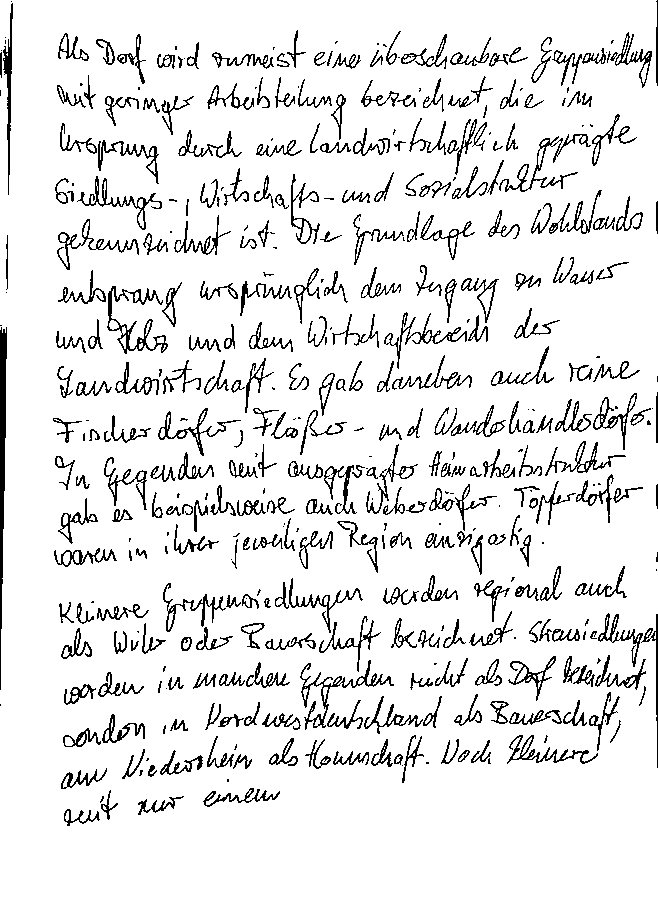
Als Dorf wird zumeist eine überschaubare Gruppensiedlung
mit geringer Arbeitsteilung bezeichnet, die im
Ursprung durch eine landwirtschaftlich geprägte
Siedlungs-, Wirtschafts- und Sozialstruktur
gekennzeichnet ist. Die Grundlage des Wohlstands
entsprang ursprünglich dem Zugang zu Wasser
und Holz und dem Wirtschaftsbereich der
Landwirtschaft. Es gab daneben auch reine
Fischerdörfer, Flößer- und Wanderhändlerdörfer.
In Gegenden mit ausgeprägter Heimarbeitsstruktur
gab es beispielsweise auch Weberdörfer. Töpferdörfer
waren in ihrer jeweiligen Region einzigartig.
Kleinere Gruppensiedlungen werden regional auch
als Weiler oder Bauerschaft bezeichnet. Streusiedlungen
werden in manchen Gegenden nicht als Dorf bezeichnet,
sondern in Nordwestdeutschland als Bauerschaft,
am Niederrhein als Honnschaft Noch kleinere
mit nur einem
